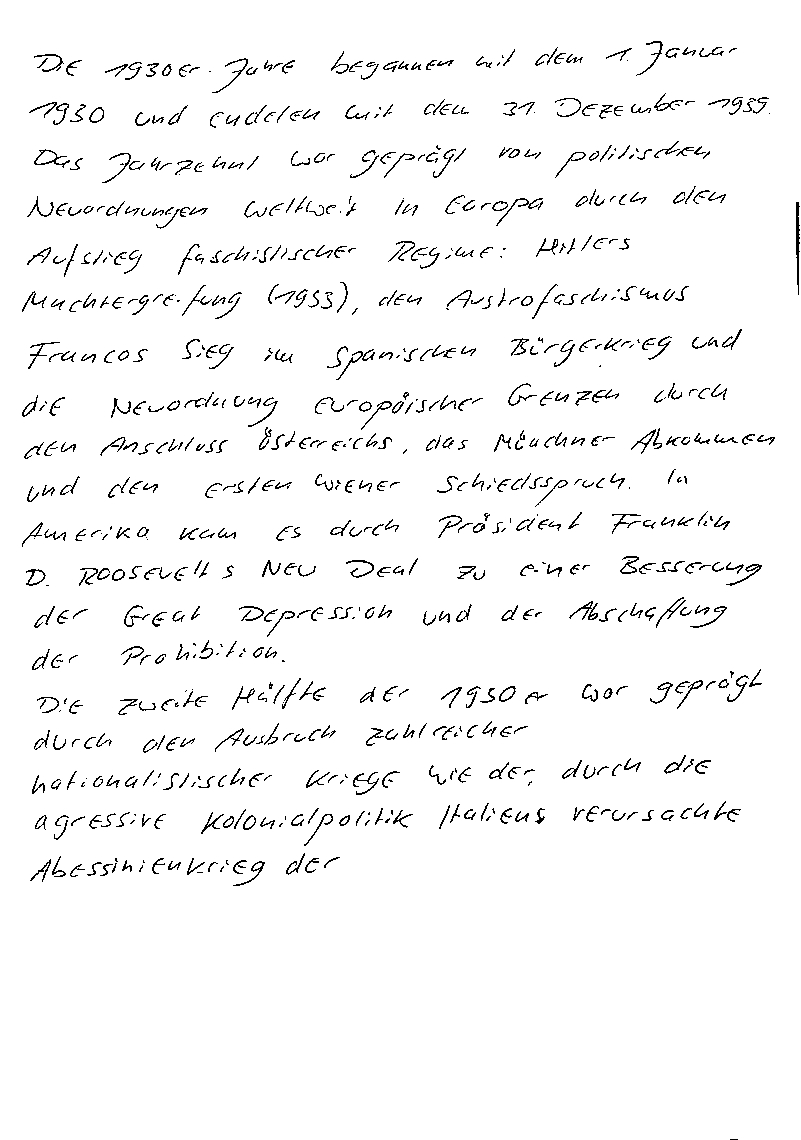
Die 1930er Jahre begannen mit dem 1 Januar
1930 und endeten mit dem 31 Dezember 1939
Das Jahrzehnt war geprägt von politischen
Neuordnungen weltweit In Europa durch den
Aufstieg faschistischer Regime: Hitlers
Machtergreifung (1933), den Austrofaschismus
Francos Sieg im Spanischen Bürgerkrieg und
die Neuordnung Europäischer Grenzen durch
den Anschluss Österreichs, das Münchner Abkommen
und den ersten Wiener Schiedsspruch.
Amerika kam es durch Präsident Franklin
Roosevelts New Deal zu einer Besserung
der Great Depression und der Abschaffung
der Prohibition.
Die zweite Hälfte der 1930er war geprägt
durch den Ausbruch zahlreicher
nationalistischer Kriege wie der, durch die
aggressive Kolonialpolitik Italiens Verursachte
Abessinienkrieg der
